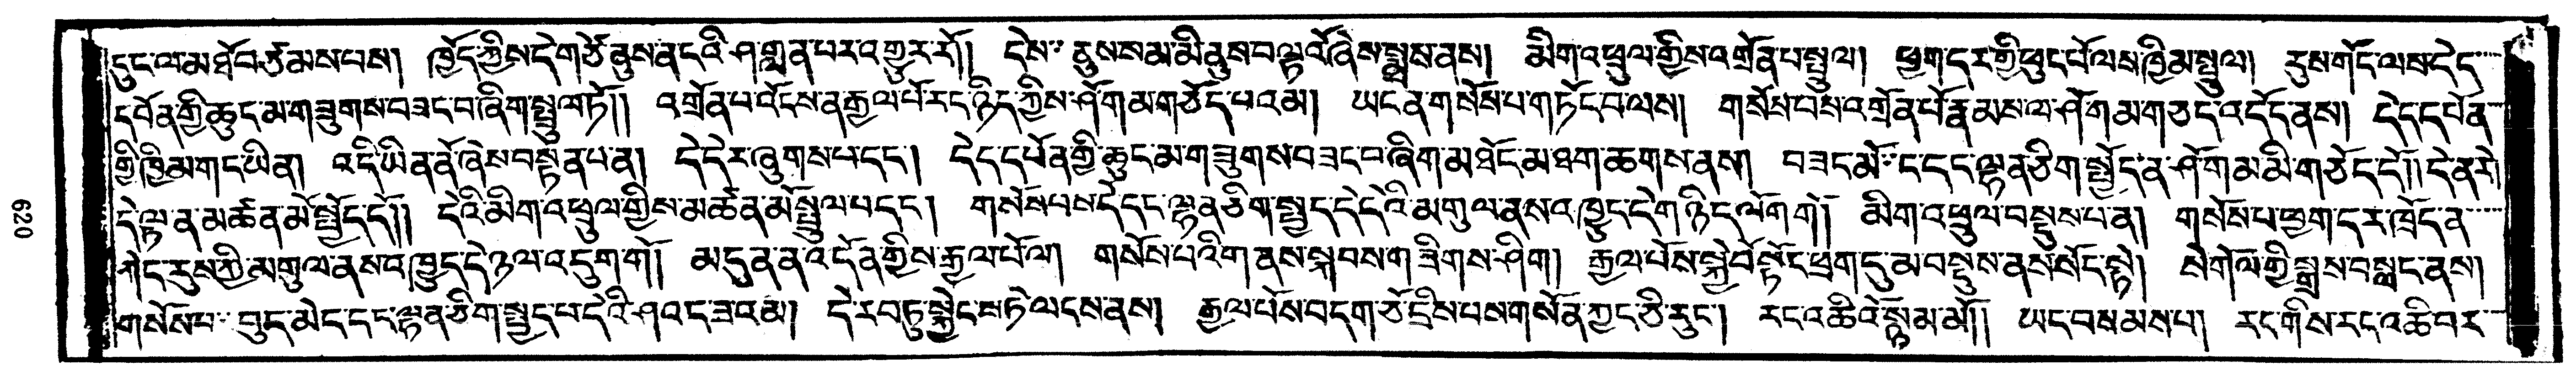དུང་ལ་མཐོབ་ཙམས་པས། ཁྱོད་ཀྱིས་དེ་གཙེ་ནུས་ན་ངའི་ཤ་གླན་པར་འགྱུར་རོ།། དེས༑ ནུས་སམ་མི་ནུས་བལྟའོ་ཞེས་སྨྲས་ནས། མིག་འཕྲུལ་གྱིས་འགྲོན་པ་སྤྲུལ། ཕྱག་དར་གྱི་ཕུང་པོ་ལས་ཁྱིམ་སྤྲུལ། རུས་གོང་ལས་དེད་
དབོན་གྱི་ཆུང་མ་གཟུགས་བཟང་བ་ཞིག་སྤྲུལ་ཏོ།། འགྲོན་པ་འོངས་ན་རྒྱལ་པོ་རང་ཉིད་ཀྱིས་ཤོ་གམ་གཅོད་པའམ། ཡང་ན་གསོས་པ་གཏོང་བ་ལས། གསོས་པས་འགྲོན་པོ་རྣམས་ལ་ཤོ་གམ་གཅད་འདོད་ནས། དེད་དཔོན་
གྱི་ཁྱིམ་གང་ཡིན། འདི་ཡིན་ནོ་ཞེས་བསྟན་པ་ན། དེ་དེར་ཞུགས་པ་དང་། དེད་དཔོན་གྱི་ཆུང་མ་གཟུགས་བཟང་བ་ཞིག་མཐོང་མ་ཐག་ཆགས་ནས། བཟང་མོ་ང་དང་ལྷན་ཅིག་སྤྱོད་ན་ཤོ་གམ་མི་གཅོད་དོ།། དེ་ན་རེ།
དེ་ལྟ་ན་མཚན་མོ་སྤྱོད་དོ།། དེའི་མིག་འཕྲུལ་གྱིས་མཚན་མོ་སྤྲུལ་པ་དང་། གསོས་པས་དེ་དང་ལྷན་ཅིག་སྤྱད་དེ་དེའི་མགུལ་ནས་འཁྱུད་དེ་གཉིད་ལོག་གོ། མིག་འཕྲུལ་བསྡུས་པ་ན། གསོས་པ་ཕྱག་དར་ཁྲོད་ན་
ཀེང་རུས་ཀྱི་མགུལ་ནས་འཁྱུད་དེ་ཉལ་འདུག་གོ། མདུན་ན་འདོན་གྱིས་རྒྱལ་པོ་ལ། གསོས་པའི་གནས་སྐབས་གཟིགས་ཤིག། རྒྱལ་པོས་སྐྱེ་བོ་སྟོང་ཕྲག་དུ་མ་བསྡུས་ནས་སོང་སྟེ། སེ་གོལ་གྱི་སྒྲས་བསླང་ནས།
གསོས་པ༑ བུད་མེད་དང་ལྷན་ཅིག་སྤྱད་པ་དེའི་ཤའང་ཟ་འམ། དེ་རབ་ཏུ་སྐྱེངས་ཏེ་ལངས་ནས། རྒྱལ་པོས་བདག་ཅོ་དྲིས་པས་གསོན་ཀྱང་ཅི་རུང་། རང་འཆིའོ་སྙམ་མོ།། ཡང་བསམས་པ། རང་གིས་རང་འཆི་བར་